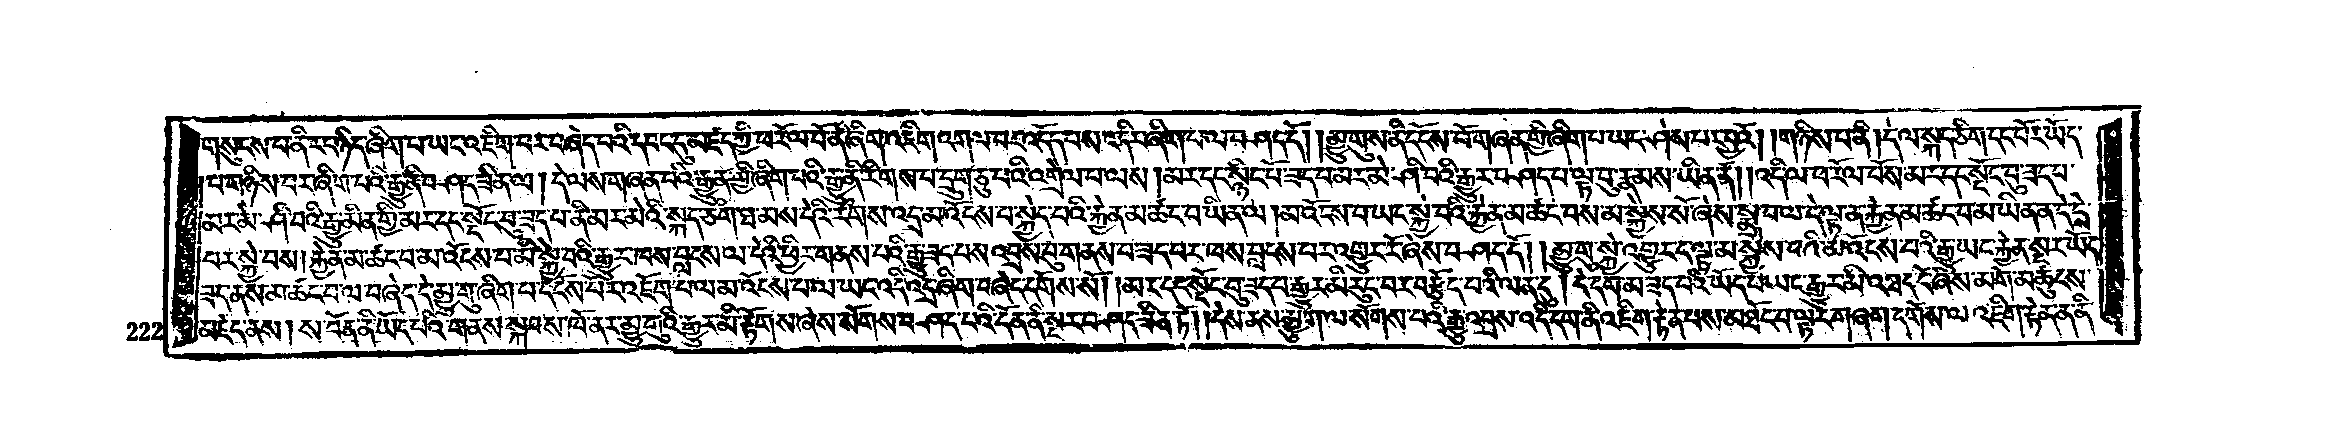གསུངས་པ་ནི་རང་ཉིད་ཞིག་པ་ཡང་འཇིག་པར་བཞེད་པའི་དབང་དུ་མཛད་ཀྱི་ཕ་རོལ་པོ་ནི་ཞིག་འཇིག་འགལ་བར་འདོད་པས་འདིར་ཞིག་པ་ལ་བཤད་དོ། །མྱུ་གུས་ནི་དངོས་པོ་གཞན་གྱི་ཞིག་པ་ཡང་ཤེས་པར་བྱའོ། །གཉིས་པ་ནི། དེ་ལ་སྐད་ཅིག་དང་པོར་ཡོད་
པ་གཉིས་པར་ཞིག་པའི་རྒྱུ་ནི་བཤད་ཟིན་ལ། དེ་ལས་གཞན་པའི་རྒྱུན་གྱི་ཞིག་པའི་རྒྱུ་ནི་རིགས་པ་དྲུག་ཅུ་པའི་འགྲེལ་པ་ལས། མར་དང་སྙིང་པོ་ཟད་པ་མར་མེ་ཤི་བའི་རྒྱུར་བཤད་པ་ལྟ་བུ་རྣམས་ཡིན་ནོ། །འདི་ལ་ཕ་རོལ་པོས་མར་དང་སྡོང་བུ་ཟད་པ་
མར་མེ་ཤི་བའི་རྒྱུ་མིན་གྱི་མར་དང་སྡོང་བུ་ཟད་པ་ནི་མར་མེའི་སྐད་ཅྀག་ཐ་མས་དེའི་རིགས་འདྲ་མ་འོངས་པ་སྐྱེད་པའི་རྐྱེན་མ་ཚང་བ་ཡིན་ལ། མ་འོངས་པ་ཡང་སྐྱེ་བའི་རྐྱེན་མ་ཚང་བས་མ་སྐྱེས་སོ་ཞེས་སྨྲ་བ་ལ་དེ་ལྟ་ན་རྐྱེན་མ་ཚང་བ་མ་ཡིན་ན་དེ་ངེས་
པར་སྐྱེ་བས། རྐྱེན་མ་ཚང་བ་མ་འོངས་པ་མི་སྐྱེ་བའི་རྒྱུར་ཁས་བླངས་ལ་དེའི་ཕྱིར་གནས་པའི་རྒྱུ་ཟད་པས་འབྲས་བུ་གནས་པ་ཟད་པར་ཁས་བླངས་པར་འགྱུར་རོ་ཞེས་བཤད་དོ། །མྱུ་གུ་སྐྱེ་འགྱུར་ད་ལྟ་མ་སྐྱེས་པའི་མ་འོངས་པའི་རྒྱུ་ཡང་རྐྱེན་སྔར་ཡོད་
ཟད་ནས་མ་ཚང་བ་ལ་བཞེད་དེ་མྱུ་གུ་ཞིག་པ་དངོས་པོར་འཇོག་པ་ལ་མ་འོངས་པ་ལ་ཡང་འདི་འདྲ་ཞིག་བཞེད་དགོས་སོ། །མར་དང་སྡོང་བུ་ཟད་པ་རྒྱུར་མི་རུང་བར་བརྩོད་པའི་ལན་དུ། དེ་དག་མ་ཟད་པའི་ཡོད་པ་ཡང་རྒྱུར་མི་འཐད་དོ་ཞེས་མག་མཚུངས་
མཛད་ནས། ས་བོན་ནི་ཡོད་པའི་གནས་སྐབས་ཁོ་ནར་མྱུ་གུའི་རྒྱུར་མི་རྟོགས་ཞེས་སོགས་བཤད་པའི་དོན་ནི་སྔར་བཤད་ཟིན་ཏོ། །དེས་ནས་མྱུག་ལ་སོགས་པའི་རྒྱུ་འབྲས་འདི་དག་ནི་འཇིག་རྟེན་པས་མཐོང་བ་ལྟར་གཞག་དགོས་ལ་འཇིག་རྟེན་ན་ནི་